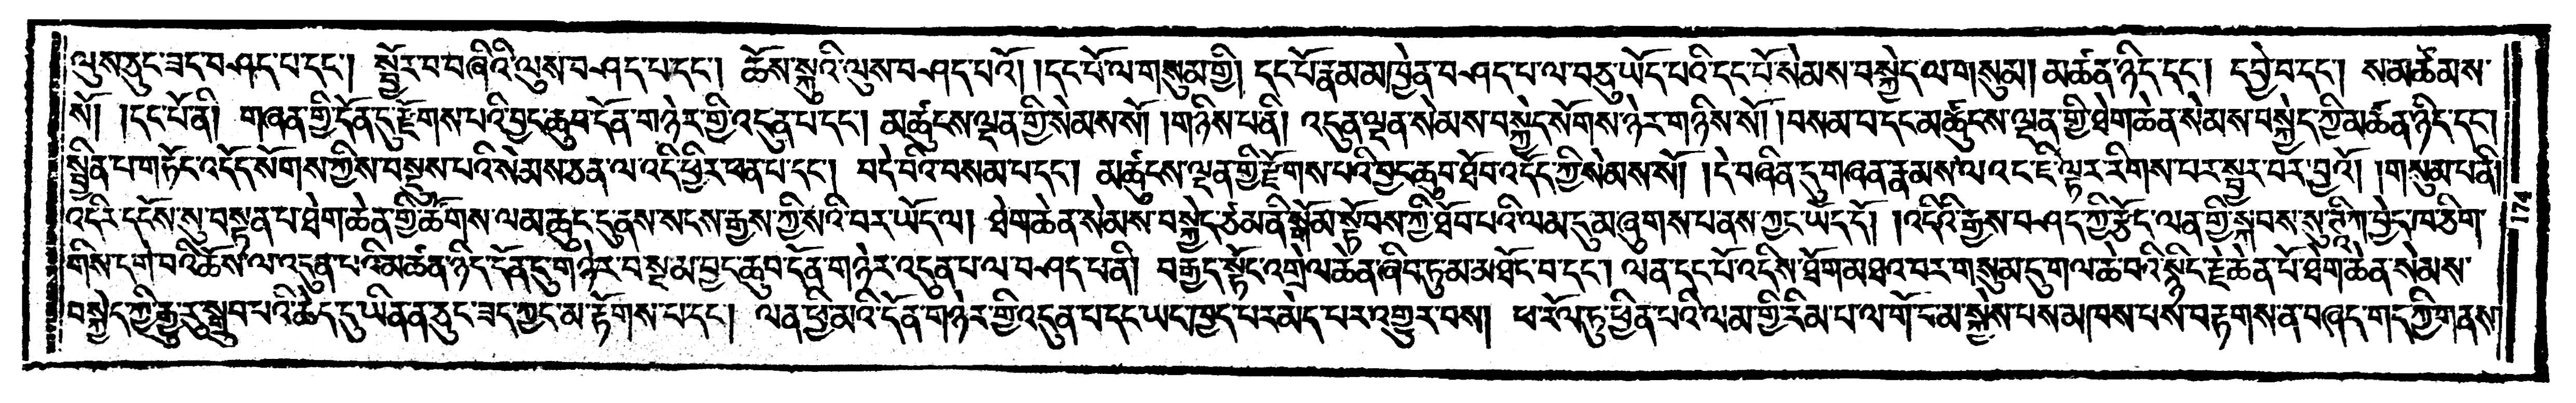ལུས་ཅུང་ཟད་བཤད་པ་དང་། སྦྱོར་བ་བཞིའི་ལུས་བཤད་པ་དང་། ཆོས་སྐུའི་ལུས་བཤད་པའོ། །དང་པོ་ལ་གསུམ་གྱི། དང་པོ་རྣམ་མཁྱེན་བཤད་པ་ལ་བཅུ་ཡོད་པའི་དང་པོ་སེམས་བསྐྱེད་ལ་གསུམ། མཚན་ཉིད་དང་། དབྱེ་བ་དང་། ས་མཚམས་
སོ། །དང་པོ་ནི། གཞན་གྱི་དོན་དུ་རྫོགས་པའི་བྱང་ཆུབ་དོན་གཉེར་གྱི་འདུན་པ་དང་། མཚུངས་ལྡན་གྱི་སེམས་སོ། །གཉིས་པ་ནི། འདུན་ལྡན་སེམས་བསྐྱེད་སོགས་ཉེར་གཉིས་སོ། །བསམ་པ་དང་མཚུངས་ལྡན་གྱི་ཐེག་ཆེན་སེམས་བསྐྱེད་ཀྱི་མཚན་ཉིད་དང་།
སྦྱིན་པ་གཏོང་འདོད་སོགས་ཀྱིས་བསྡུས་པའི་སེམས་ཅན་ལ་འདི་ཕྱིར་ཕན་པ་དང་། བདེ་བའི་བསམ་པ་དང་། མཚུངས་ལྡན་གྱི་རྫོགས་པའི་བྱང་ཆུབ་ཐོབ་འདོད་ཀྱི་སེམས་སོ། །དེ་བཞིན་དུ་གཞན་རྣམས་ལའང་ཇི་ལྟར་རིགས་པར་སྦྱར་བར་བྱའོ། །གསུམ་པ་ནི།
འདིར་དངོས་སུ་བསྟན་པ་ཐེག་ཆེན་གྱི་ཚོགས་ལམ་ཆུང་ངུ་ནས་སངས་རྒྱས་ཀྱི་སའི་བར་ཡོད་ལ། ཐེག་ཆེན་སེམས་བསྐྱེད་ཙམ་ནི་སྒོམ་སྟོབས་ཀྱི་ཐོབ་པའི་ལམ་དུ་མ་ཞུགས་པ་ནས་ཀྱང་ཡོད་དོ། །འདིའི་རྒྱས་བཤད་ཀྱི་རྩོད་ལན་གྱི་སྐབས་སུ་ཊཱིཀ་བྱེད་ཁ་ཅིག་
གིས་དགེ་བའི་ཆོས་ལ་འདུན་པའི་མཚན་ཉིད་དོན་དུ་གཉེར་བ་སྔ་མ་བྱང་ཆུབ་དོན་གཉེར་འདུན་པ་ལ་བཤད་པ་ནི། བརྒྱད་སྟོང་འགྲེལ་ཆེན་ཞིབ་ཏུ་མ་མཐོང་བ་དང་། ལན་དང་པོ་འདིས་ཐོག་མཐའ་བར་གསུམ་དུ་གལ་ཆེ་བའི་སྙིང་རྗེ་ཆེན་པོ་ཐེག་ཆེན་སེམས་
བསྐྱེད་ཀྱི་རྒྱུ་རུ་སྒྲུབ་པའི་ཆེད་དུ་ཡིན་ན་ཅུང་ཟད་ཀྱང་མ་རྟོགས་པ་དང་། ལན་ཕྱི་མའི་དོན་གཉེར་གྱི་འདུན་པ་དང་ཡང་ཁྱད་པར་མེད་པར་འགྱུར་བས། ཕ་རོལ་ཏུ་ཕྱིན་པའི་ལམ་གྱི་རིམ་པ་ལ་གོ་བ་མ་སྐྱེས་པས་མཁས་པས་བརྟགས་ན་བཞད་གད་ཀྱི་གནས་